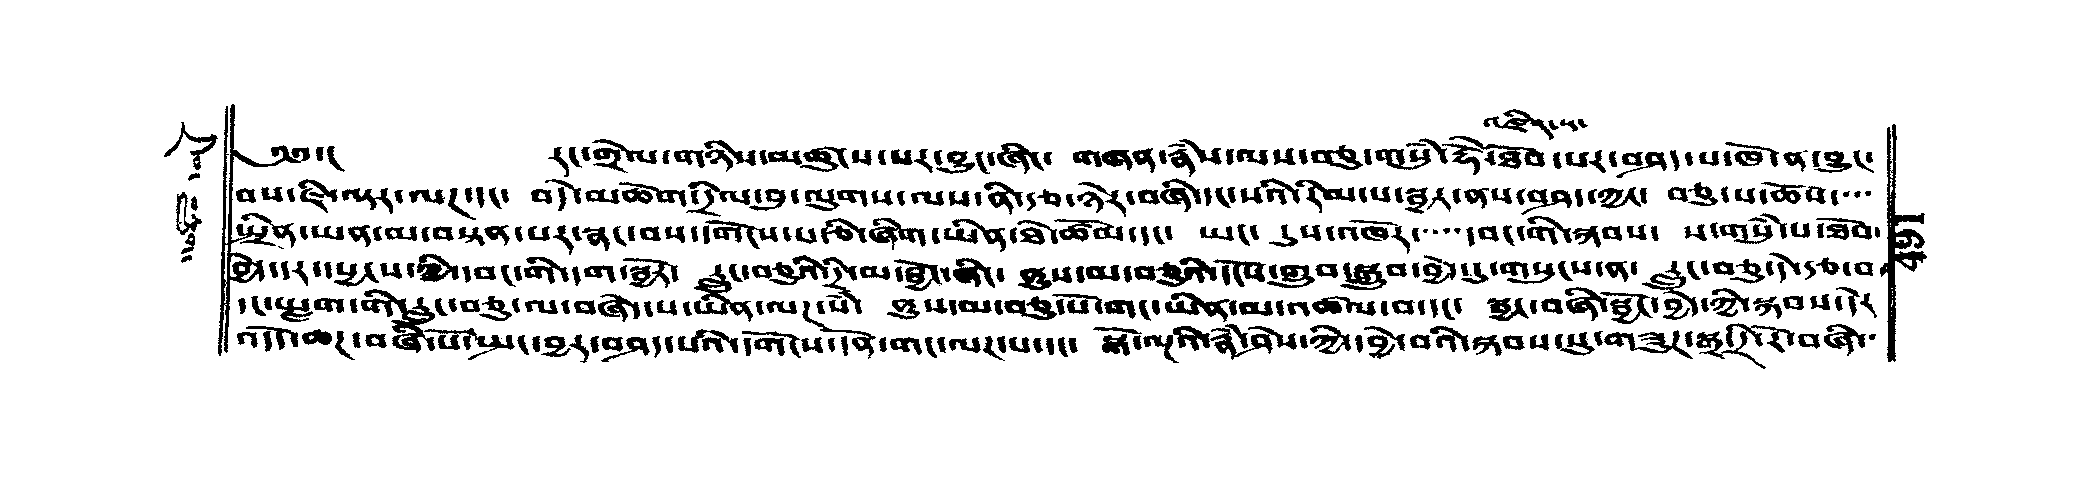རང་འགྲེལ་གཉིས་མཚུངས་པར་བྱུང་ཞིང་། གཞན་རྣམས་ལས་བཅུ་གསུམ་རྡོ་རྗེ་འཛིན་པ་ཐོབ་པར་བཤད་པ་ཁོ་ན་བྱུང་
བས་ཇི་ལྟར་ལགས་དང་། བདེ་མཆོག་དྲིལ་བུ་ལུགས་ལས་ནི་རྩ་ཉེར་བཞི་དང་སའི་རིམ་པ་སྦྱར་ནས་བཤད་ཀྱང་། བཅུ་པ་ཆོས་
སྤྲིན་ཡན་མ་བསྟན་པར་སྣང་བས་དགོངས་པ་ཅི་ཞིག་ཡིན་ཐེ་ཚོམ་དང་། ཡང་དུས་འཁོར་དབང་གི་སྐབས། ས་གསུམ་པ་ཐོབ་
བྱེད་དར་དཔྱངས་ཀྱི་དབང་གི་དག་སྦྱོར། རླུང་བཅུའི་དྲི་མ་སྦྱོང་ཞིང་། ནུས་མ་བཅུའི་དངོས་གྲུབ་སྒྲུབ་བྱེད་དུ་གསུངས་ན། རླུང་བཅུ་དེ་རྩ་བ་
དང་ཡན་ལག་གི་རླུང་བཅུ་ལ་བཞེད་པ་ཡིན་ལགས་སམ། ནུས་མ་བཅུ་པོ་གང་ཡིན་མ་འཚལ་བ་དང་། སྦྱང་བཞི་སྦྱོང་བྱེད་ཀྱི་སྐབས་དེར་
འདོད་ཆགས་བཞི་པོ་སྤང་བྱར་བཤད་པའི་དགོངས་དོན་གང་ལགས་པ་དང་། སྒོ་ལྔའི་རྣམ་ཤེས་ཀྱི་དབྱེ་བའི་སྐབས་སུ་གཟུགས་སྒྲ་དྲི་རོ་བཞི་